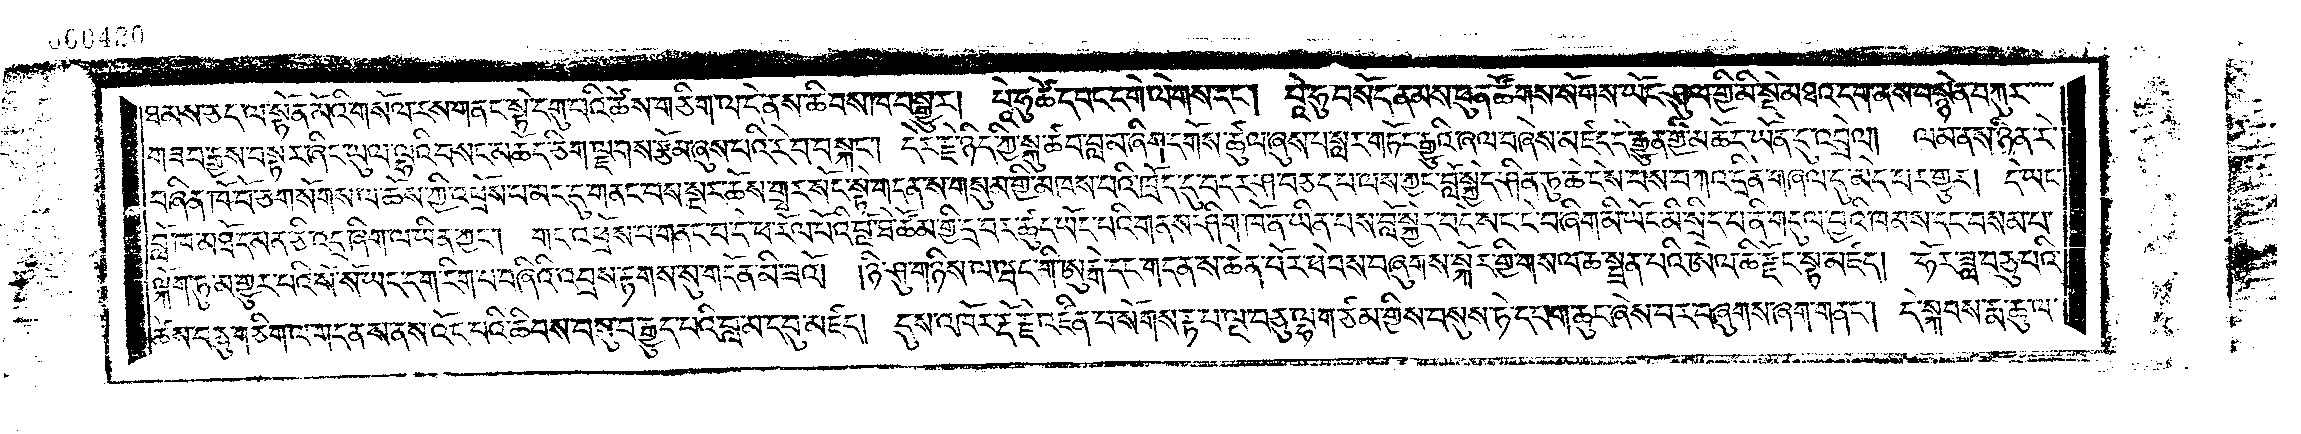ཐམས་ཅད་ལ་སྟོན་མོའི་གསོལ་རས་གནང་སྟེ་དགུ་པའི་ཚེས་གཅིག་ལ་དེ་ནས་ཆིབས་ཁ་བསྒྱུར། པE་ཧུ་ཚེ་དབང་དགེ་ལེགས་དང་། པE་ཧུ་བསོད་ནམས་ཕུན་ཚོགས་སོགས་ཡོང་ཤུལ་གྱི་མི་སྡེ་མཐའ་དག་ནས་བསྙེན་བཀུར་
གཟབ་རྒྱས་བསྟར་ཞིང་ཡུལ་ལྷའི་བསང་མཆོད་ཅིག་ལྗགས་རྩོམ་ཞུས་པའི་རེ་བ་བསྐང་། དེར་རྗེ་ཉིད་ཀྱི་སྐུ་ཚབ་བླ་མ་ཞིག་དོགས་ཚུལ་ཞུས་པ་སླར་གཏོང་རྒྱུའི་ཞལ་བཞེས་མཛད་དེ་རྒྱུན་གྱི་མཆོད་ཡོན་དུ་འབྲེལ། ལམ་ནས་ཉིན་རེ་
བཞིན་ཁོ་བོ་ཅག་སོགས་ལ་ཆོས་ཀྱི་འཕྲོས་པ་མང་དུ་གནང་བས་སྔར་ཆོས་གྲྭར་སོང་སྟེ་གདན་ས་གསུམ་གྱི་མཁས་པའི་ཁྲོད་དུ་བདར་ཤ་བཅད་པ་ལས་ཀྱང་བློ་སྐྱེད་ཤིན་ཏུ་ཆེ་ངེས་པས་བཀའ་དྲིན་གཞལ་དུ་མེད་པར་གྱུར། དེ་ཡང་
བློ་ཁ་མཐོ་དམན་ཅི་འདྲ་ཞིག་ལ་ཡིན་ཀྱང་། གང་འཕྲོས་པ་གནང་བ་དེ་ཕ་རོལ་པོའི་བློ་ཐེ་ཚོམ་གྱི་དྲ་བར་ཚུད་ཡོད་པའི་གནས་ཤིག་ཁོ་ན་ཡིན་པས་བློ་སྐྱེད་བདེ་སང་དེ་བ་ཞིག་མི་ཡོང་མི་སྲིད་པ་ནི་གདུལ་བྱའི་ཁམས་དང་བསམ་པ་
ལྐོག་ཏུ་མ་གྱུར་བའི་སོ་སོ་ཡང་དག་རིག་པ་བཞིའི་འབྲས་རྟགས་སུ་གདོན་མི་ཟླའོ། །ཉི་ཤུ་གཉིས་ལ་ཝང་གི་ཨུརྒེ་དང་གདན་ས་ཆེན་པོར་ཕེབས་བཞུགས་སྐོར་གྱི་གསལ་ཆ་སྦྲན་པའི་ཨེལ་ཆི་རྫོང་སྟ་མཛད། ཧོར་ཟླ་བཅུ་པའི་
ཚེས་བཅུ་གཅིག་ལ་གདན་ས་ནས་འོང་པའི་ཆིབས་བསུ་བ་རྒྱུད་པའི་བླ་མ་དབུ་མཛད། དུས་འཁོར་རྡོ་རྗེ་འཛིན་པ་སོགས་རྟ་པ་ལྔ་བཅུ་ལྷག་ཙམ་གྱིས་བསུས་ཏེ་དཔག་ཆུང་ཞེས་པར་བཞུགས་ཞག་གནང་། དེ་སྐབས་རྨ་ཆུ་ལ་